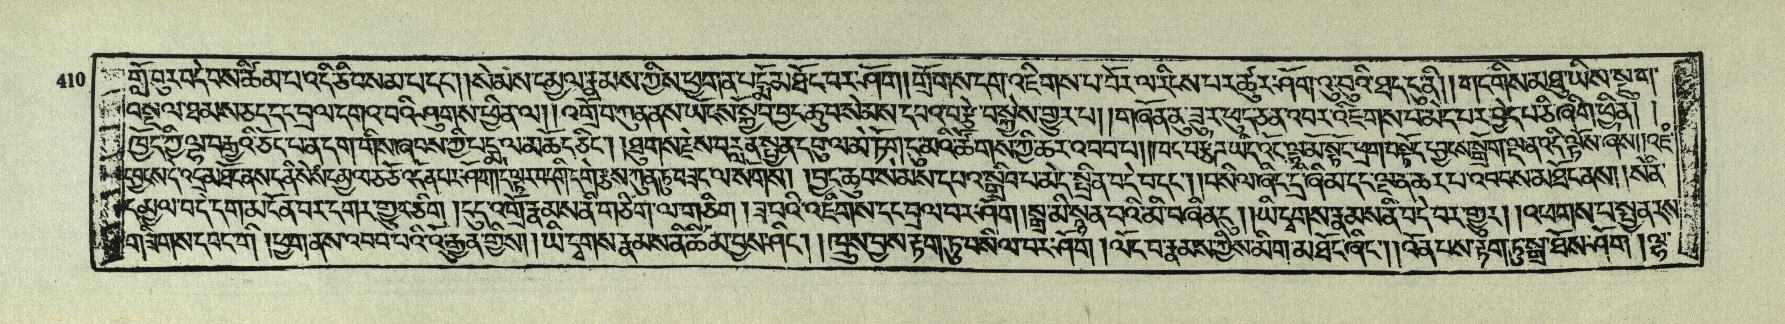གློ་བུར་བདེ་བས་ཚིམ་པ་འདི་ཅི་བསམ་པ་དང་། །སེམས་དམྱལ་རྣམས་ཀྱིས་ཕྱག་ན་པདམོ་མཐོང་བར་ཤོག །གྲོགས་དག་འཇིགས་པ་བོར་ལ་རིངས་པར་ཚུར་ཤོག་འུ་བུའི་ཐད་དུ་ནི། །གང་གིས་མཐུ་ཡིས་སྡུག་
བསྔལ་ཐམས་ཅད་དང་བྲལ་དགའ་བའི་ཤུགས་ཕྱིན་ལ། །འགྲོ་བ་ཀུན་ནས་ཡོངས་སྐྱོབ་བྱང་ཆུབ་སེམས་དཔའ་བརྩེ་བ་སྐྱེས་གྱུར་པ། །གཞོན་ནུ་ཟུར་ཕུད་ཅན་འབར་འཇིགས་པ་མེད་པར་བྱེད་པ་ཅི་ཞིག་ཕྱིན། །
ཁྱོད་ཀྱི་ལྷ་བརྒྱའི་ཅོང་པ་ན་དག་གིས་ཞབས་ཀྱི་པདམ་ལ་མཆོད་ཅིང་། །ཐུགས་རྗེས་བརླ་ན་སྤྱན་དབུ་ལ་མེ་ཏོག་དུ་མའི་ཚོགས་ཀྱི་ཆར་འབབ་པ། །ཁང་བརྩེཌ་ཡིད་འོང་ལྷ་མོ་སྟོང་ཕྲག་བསྟོང་དབྱངས་སྒྲོག་ལྡན་འདི་ལྟོས་ཞེས། །འཇཾ་
དབྱངས་དེ་འདྲ་མཐོང་ནས་ད་ནི་སེཾས་དམྱལ་ཅ་ཅོ་འདོན་པར་ཤོག །དེ་ལྟར་བདག་གི་དགེ་རྩས་ཀུན་ཏུ་བཟང་ལ་སོགས། །བྱང་ཆུབ་སེམས་དཔའ་སྒྲིབ་པ་མེད་སྤྲིན་བདེ་བ་དང་། །བསིལ་ཞིང་དྲི་ཞིམ་དང་ལྡན་ཆར་པ་འབབས་མཐོང་ནས། །སེ་ནི་
དམྱལ་བ་དེ་དག་མངོན་པར་དགར་གྱུར་ཅིག །དུད་འགྲོ་རྣམས་ནི་གཅིག་ལ་གཅིག །ཟ་བའི་འཇིགས་དང་བྲལ་བར་ཤོག །སྒྲ་མི་སྙན་པའི་མི་བཞིན་དུ། །ཡི་དྭགས་རྣམས་ནི་བདེ་བར་གྱུར། །འཕགས་པ་སྤྱན་རས་
གཟིགས་དབང་གི། །ཕྱག་ནས་འབབ་པའི་འོ་རྒྱུན་གྱི། །ཡི་དྭགས་ཨརྣམས་ནི་ཚིམ་བྱས་ཤིང་། །ཁྲུས་བྱས་རྟག་ཏུ་བསིལ་བར་ཤོག། །ལོང་བ་རྣམས་ཀྱིས་མིག་མཐོང་ཞིང་། །འོན་པས་རྟག་ཏུ་སྒྲ་ཐོས་ཤོག །ལྷ་